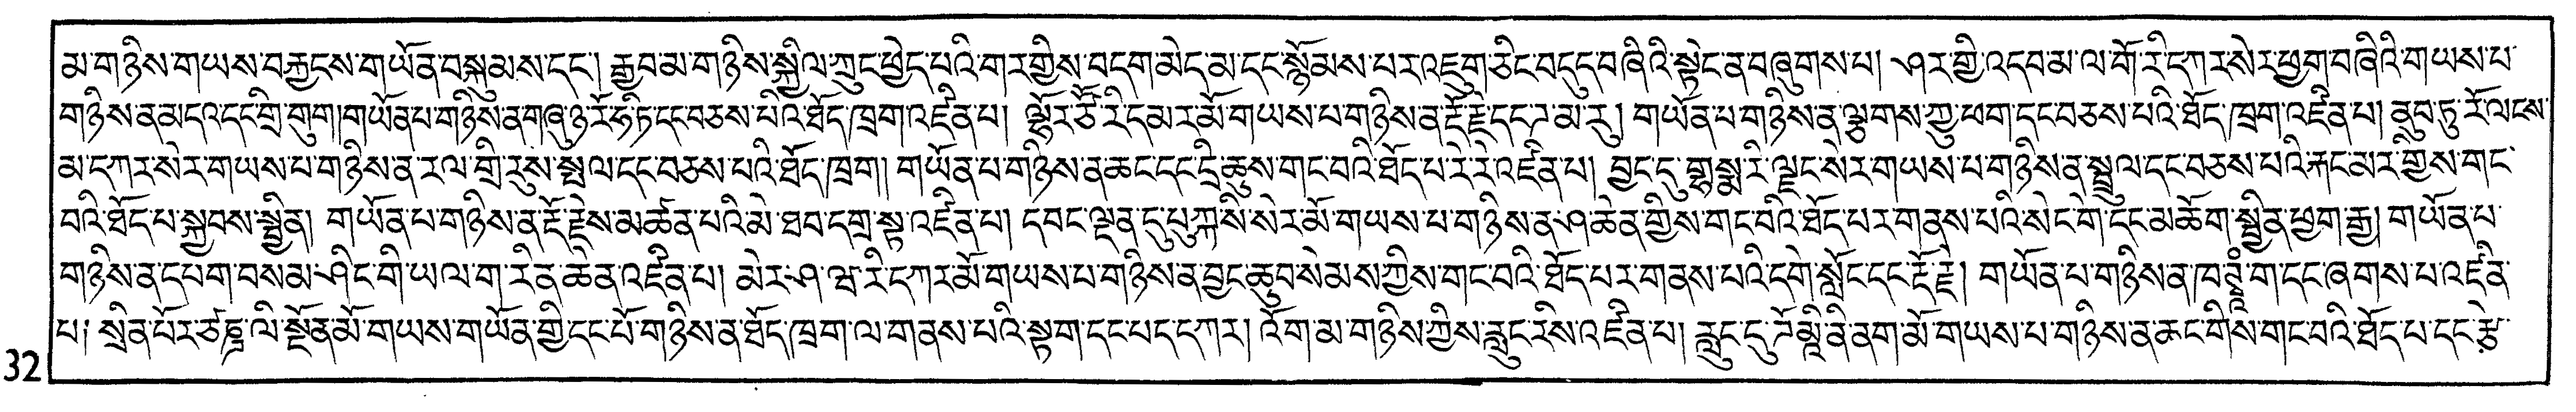མ་གཉིས་གཡས་བརྐྱངས་གཡོན་བསྐུམས་དང་། རྒྱབ་མ་གཉིས་སྐྱིལ་ཀྲུང་ཕྱེད་པའི་གར་གྱིས་བདག་མེད་མ་དང་སྙོམས་པར་འཇུག་ཅིང་བདུད་བཞིའི་སྟེང་ན་བཞུགས་པ། ཤར་གྱི་འདབ་མ་ལ་གོ་རི་དཀར་སེར་ཕྱག་བཞིའི་གཡས་པ་
གཉིས་ན་མདའ་དང་གྲི་གུག །གཡོན་པ་གཉིས་ན་གཞུ་ཉ་རོ་ཧ་ཏེ་དང་བཅས་པའི་ཐོད་ཁྲག་འཛིན་པ། ལྷོར་ཙཽ་རི་དམར་མོ་གཡས་པ་གཉིས་ན་རྡོ་རྗེ་དང་ཌ་མ་རུ། གཡོན་པ་གཉིས་ན་ལྕགས་ཀྱུ་ཕག་དང་བཅས་པའི་ཐོད་ཁྲག་འཛིན་པ། ནུབ་ཏུ་རོ་ལངས་
མ་དཀར་སེར་གཡས་པ་གཉིས་ན་རལ་གྲི་རུས་སྤལ་དང་བཅས་པའི་ཐོད་ཁྲག །གཡོན་པ་གཉིས་ན་ཆང་དང་དྲི་ཆུས་གང་བའི་ཐོད་པ་རེ་རེ་འཛིན་པ། བྱང་དུ་གྷསྨ་རི་ལྗང་སེར་གཡས་པ་གཉིས་ན་སྦྲུལ་དང་བཅས་པའི་རྐང་མར་གྱིས་གང་
བའི་ཐོད་པ་སྐྱབས་སྦྱིན། གཡོན་པ་གཉིས་ན་རྡོ་རྗེས་མཚན་པའི་མེ་ཐབ་དགྲ་སྟ་འཛིན་པ། དབང་ལྡན་དུ་པུཀྐ་སི་སེར་མོ་གཡས་པ་གཉིས་ན་ཤ་ཆེན་གྱིས་གང་བའི་ཐོད་པར་གནས་པའི་སེང་གེ་དང་མཆོག་སྦྱིན་ཕྱག་རྒྱ། གཡོན་པ་
གཉིས་ན་དཔག་བསམ་ཤིང་གི་ཡལ་ག་རིན་ཆེན་འཛིན་པ། མེར་ཤ་ཝ་རི་དཀར་མོ་གཡས་པ་གཉིས་ན་བྱང་ཆུབ་སེམས་ཀྱིས་གང་བའི་ཐོད་པར་གནས་པའི་དགེ་སློང་དང་རྡོ་རྗེ། གཡོན་པ་གཉིས་ན་ཁ་ཊྭཱཾ་ག་དང་ཞགས་པ་འཛིན་
པ༑ སྲིན་པོར་ཙཎྜ་ལི་སྔོན་མོ་གཡས་གཡོན་གྱི་དང་པོ་གཉིས་ན་ཐོད་ཁྲག་ལ་གནས་པའི་སྟག་དང་པད་དཀར། འོག་མ་གཉིས་ཀྱིས་རླུང་རིས་འཛིན་པ། རླུང་དུ་ཌོམཱི་ནི་ནག་མོ་གཡས་པ་གཉིས་ན་ཆང་གིས་གང་བའི་ཐོད་པ་དང་རྩེ་